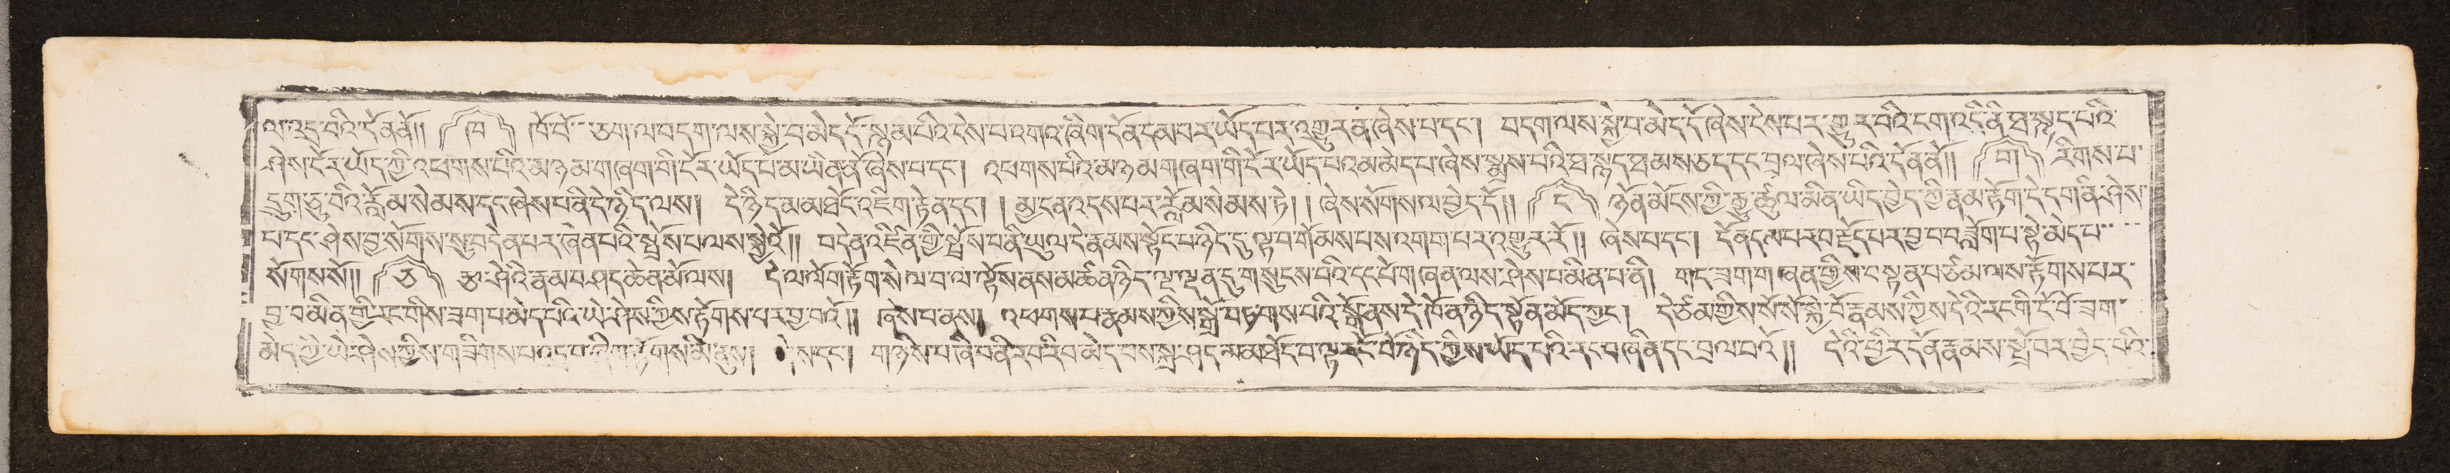ལ་འདྲ་བའི་དོན་ནོ།། ༼༽ཁ༼༽ ཁོ་བོ་ཅག་ལ་བདག་ལས་སྐྱེས་བ་མེད་དོ་སྙམ་པའི་ངེས་པ་འགའ་ཞིག་དོན་དམ་པར་ཡོད་པར་འགྱུར་ན་ཞེས་པ་དང་། བདག་ལས་སྐྱེ་བ་མེད་དོ་ཞེས་ངེས་པར་གྱུར་བའི་དགའ་དི་ནི་ཐ་སྙད་པའི་
ཤེས་ངོར་ཡོད་ཀྱི་འཕགས་པའི་མཉམ་གཞག་གི་ངོར་ཡོད་པ་མ་ཡིན་ནོ་ཞེས་པ་དང་། འཕགས་པའི་མཉམ་གཞག་གི་ངོར་ཡོད་པའམ་མེད་པ་ཞེས་སྨྲས་པའི་ཐ་སྙད་ཐམས་ཅད་དང་བྲལ་ཞེས་པའི་དོན་ནོ།། ༼༽ག༼༽ རིགས་པ་
དྲུག་ཅུ་བའི་རློམ་སེམས་དང་ཞེས་པ་ནི་དེ་ཉིད་ལས། དེ་ཉིད་མ་མཐོང་འཇིག་རྟེན་དང་། །མྱ་ངན་འདས་པར་རློམ་སེམས་ཏེ། །ཞེས་སོགས་ལ་བྱེད་དོ།། ༼༽ང༼༽ ཉོན་མོངས་ཀྱི་རྒྱུ་ཚུལ་མིན་ཡིད་བྱེད་ཀྱི་རྣམ་རྟོག་དེ་དག་ནི་ཤེས་
པ་དང་ཤེས་བྱ་སོགས་སུ་བདེན་པར་ཞེན་པའི་སྤྲོས་པ་ལས་སྐྱེའོ།། བདེན་འཛིན་གྱི་སྤྲོས་པ་ནི་ཡུལ་དེ་རྣམས་སྟོང་པ་ཉིད་དུ་ལྟ་བ་གོམས་པས་འགག་པར་འགྱུར་རོ།། ཞེས་པ་དང་། དོན་དམ་པར་བརྗོད་པར་བྱ་བ་བཟློག་པ་སྟེ་མེད་པ་
སོགས་སོ།། ༼༽ཅ༼༽ རྩ་ཤེའི་རྣམ་བཤད་ཆེན་མོ་ལས། དེ་ལ་ལོག་རྟོག་སེལ་བ་ལ་ལྟོས་ནས་མཚན་ཉིད་ལྔ་ལྡན་དུ་གསུངས་པའི་དང་པོ་གཞན་ལས་ཤེས་པ་མིན་པ་ནི། གང་ཟག་གཞན་གྱིས་བསྟན་པ་ཙམ་ལས་རྟོགས་པར་
བྱ་མ་མིན་གྱི་རང་གིས་ཟག་པ་མེད་པའི་ཡེ་ཤེས་ཀྱིས་རྟོགས་པར་བྱ་བའོ། །ཞེས་པ་ན། འཕགས་པ་རྣམས་ཀྱིས་སྒྲ་བཏགས་པའི་སྒོ་ནས་དེ་ཁོ་ན་ཉིད་སྟོན་མོད་ཀྱང་། དེ་ཙམ་གྱིས་སོ་སོ་སྐྱེ་བོ་རྣམས་ཀྱིས་དེའི་རང་གི་ངོ་བོ་ཟག་
མེད་ཀྱི་ཡེ་ཤེས་ཀྱིས་གཟིགས་པ་འདྲ་བ་ཞིག་རྟོགས་མི་ནུས། ཞེས་དང་། གཉིས་པ་ཞི་བ་ནི་རབ་རིབ་མེད་པས་སྐྲ་ཤད་མ་མཐོང་བ་ལྟར་ངོ་བོ་ཉིད་ཀྱིས་ཡོད་པའི་རང་བཞིན་དང་བྲལ་བའོ།། དེའི་ཕྱིར་དོན་རྣམས་སྤྲོ་བར་བྱེད་པའི་